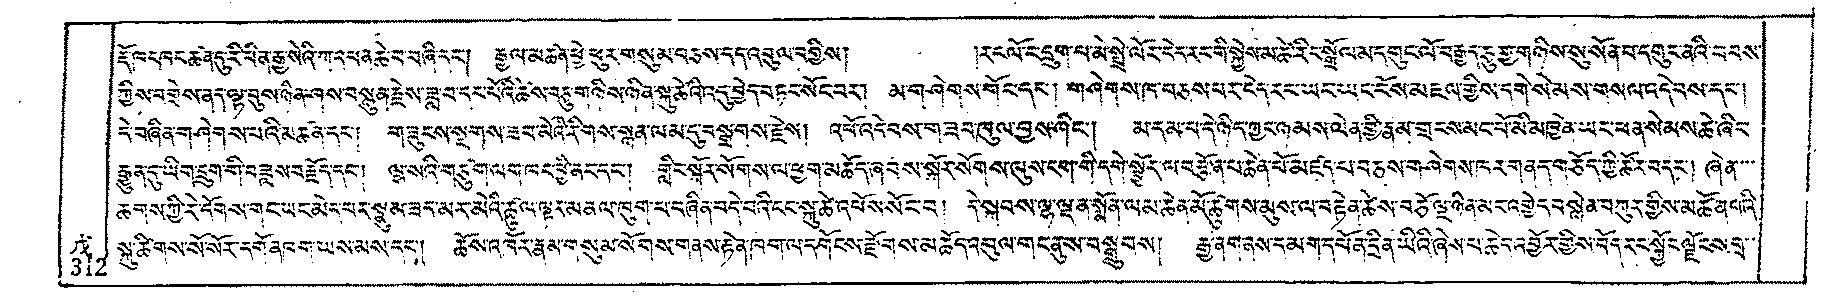རྡོ་ཁང་ཁང་ཚན་དུ་རི་པིན་རྒྱ་སེའི་ཀ་འཕན་ཆེ་བ་བཞི་དང་། རྒྱལ་མཚན་ཕྱེ་ཕུར་གསུམ་བཅས་དད་འབུལ་བགྱིས། །རང་ལོ་ང་དྲུག་པ་མེ་སྤྲེ་ལོར་ངེད་རང་གི་སྐྱེས་མ་ཚེ་རིང་སྒྲོལ་མ་དགུང་ལོ་བརྒྱད་ཅུ་གྱ་གཉིས་སུ་སོན་པ་དགུང་ནའི་བབས་
ཀྱིས་བགྲེས་ནད་ལྟ་བུས་ཉིན་ཤས་བསྙུན་རྗེས་ཟླ་བ་དང་པོའི་ཚེས་བཅུ་གཉིས་ཉིན་སྐུ་ཚེའི་འདུ་བྱེད་བཏང་སོང་བར། མ་གཤེགས་གོང་དང་། གཤེགས་ཁ་བཅས་པར་ངེད་རང་ཡང་ཡང་ངོས་མཇལ་གྱིས་དགེ་སེམས་གསལ་འདེབས་དང་།
དེ་བཞིན་གཤེགས་པའི་མཚན་དང་། གཟུངས་སྔགས་ཟབ་མོའི་རིགས་སྙན་ལམ་དུ་བསྒྲགས་རྗེས། འཕོ་འདེབས་གཟབ་ཁུལ་བྱས་ཤིང་། མ་དམ་པ་དེ་ཉིད་ཀྱང་ཉམས་ལེན་གྱི་རྣམ་གྲངས་མང་པོ་མི་མཁྱེན་ཡང་ཕན་སེམས་ཆེ་ཞིང་
རྒྱུན་དུ་ཡིག་དྲུག་གི་བཟླས་བརྗོད་དང་། ལྷ་སའི་གཙུག་ལག་ཁང་ཕྱི་ནང་དང་། གླིང་སྐོར་སོགས་ལ་ཕྱག་མཆོད་ཞབས་སྐོར་སོགས་ལུས་ངག་གི་དགེ་སྦྱོར་ལ་བརྩོན་པ་ཆེན་པོ་མཛད་པ་བཅས་གཤེགས་ཁར་གནད་གཅོད་ཀྱི་ཚོར་བར་དང་། ཞེན་
ཆགས་ཀྱི་རེ་དོགས་གང་ཡང་མེད་པར་སྣུམ་ཟད་མར་མེའི་ཚུལ་ལྟར་མནལ་ཁུག་པ་བཞིན་བདེ་བའི་ངང་སྐུ་ཚེ་འཕོས་སོང་བ། དེ་སྐབས་ལྷ་ལྡན་སྨོན་ལམ་ཆེན་མོ་ཚུགས་མུས་ལ་བརྟེན་ཚེས་བཅོ་ལྔ་ཉིན་མང་འགྱེད་བསྙེན་བཀུར་གྱིས་མཚོན་པའི་
སྐུ་ཚིགས་སོ་སོར་དགོན་ཁག་ཡས་མས་དང་། ཆོས་འཁོར་རྣམ་གསུམ་སོགས་གནས་རྟེན་ཁག་ལ་དགོངས་རྫོགས་མཆོད་འབུལ་གང་ནུས་བསྒྲུབས། རྒྱ་ནག་ནས་དམག་དཔོན་དྲིན་ཡིའི་ཞེས་པ་ཆེད་འབྱོར་གྱིས་བོད་རང་སྐྱོང་ལྗོངས་གྲ་